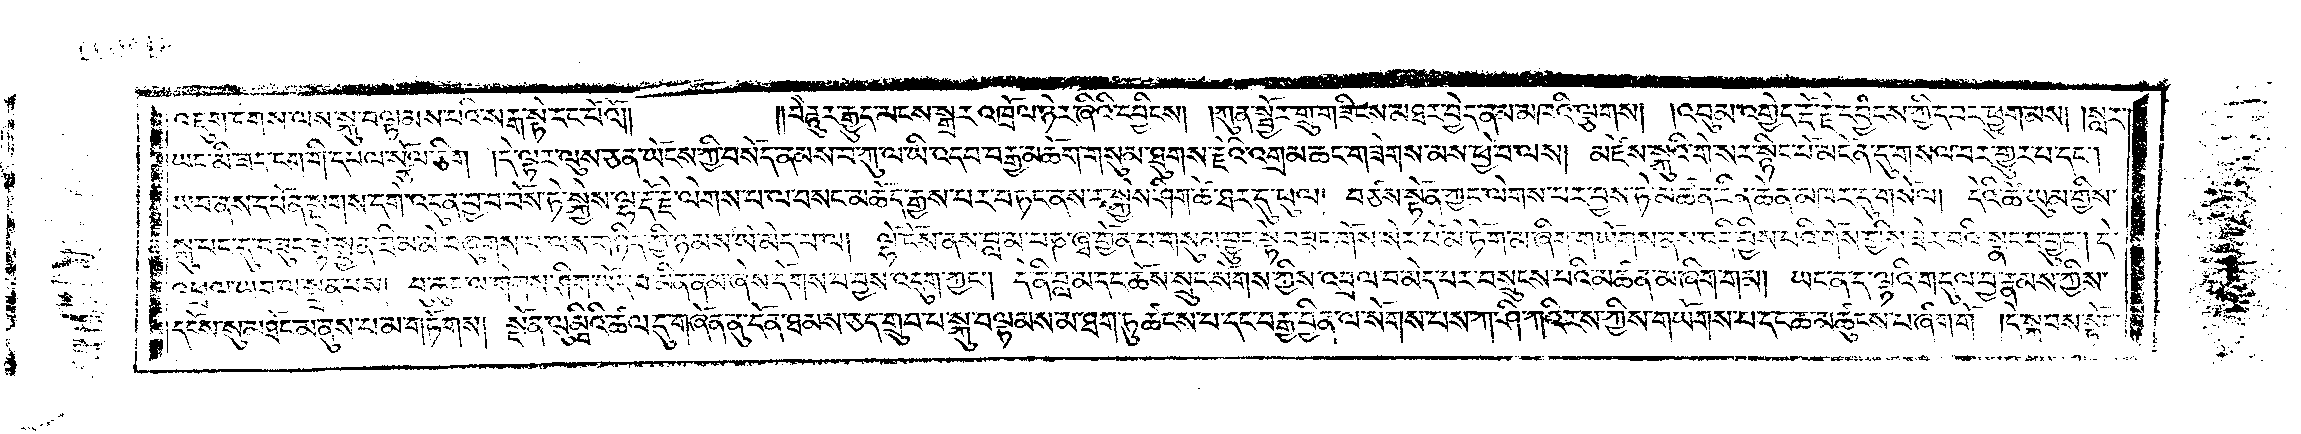འཇུག་ངོགས་ལས་སྐུ་བལྟམས་པའི་སརྒ་སྟེ་དང་པོའོ།། །།པེཌཱུར་རྒྱུད་མངས་སྒྲར་འཁྲོལ་ཉེར་ཞིའི་དབྱིངས། །ཀུན་སྦྱོར་གྲུ་གཟིངས་མཐར་བྱེད་ནམ་མཁའི་ལྕགས། །འབུམ་འགྱེད་རྡོ་རྗེ་དབྱིངས་ཀྱི་དབང་ཕྱུག་མས། །སླར་
ཡང་མི་ཟད་ངག་གི་དཔལ་སྩོལ་ཅིག །དེ་ལྟར་ལུས་ཅན་ཡོངས་ཀྱི་བསོད་ནམས་བ་ཀུ་ལ་ཡི་འདབ་བརྒྱ་མཆོག་གསུམ་ཐུགས་རྗེའི་འགྲམ་ཆང་གཟེགས་མས་ཕྱེ་བ་ལས། མཛེས་སྐུའི་གེ་སར་སྙིང་པོ་མངོན་དུ་གསལ་བར་གྱུར་པ་དང་།
ཡབ་ནས་དཔོན་སྔགས་དགེ་འདུན་བྱ་བ་བོས་ཏེ་སྐྱེས་ལྷ་རྡོ་རྗེ་ལེགས་པ་ལ་བསང་མཆོད་རྒྱས་པར་བཏང་ནས་རྭ་སྐྱེས་ཤིག་ཚེ་ཐར་དུ་ཕུལ། བཙས་སྟོན་ཀྱང་ལེགས་པར་བྱས་ཏེ་མཚན་རིན་ཆེན་མཁར་དུ་གསོལ། དེའི་ཚེ་ཡུམ་གྱིས་
སྐུ་པང་དུ་བཟུང་སྟེ་སྤྱན་ཟིམ་མེ་བཞུགས་པ་ལས་གཉིད་ཀྱི་ཉམས་ཡེ་མེད་པ་ལ། ལྷོ་ངོས་ནས་བླ་མ་པཎ་ཞྭ་གྱོན་པ་གསུམ་བྱུང་སྟེ་བཟང་གོས་སེར་པོ་མེ་ཏོག་མ་ཞིག་གཡོགས་ནས་འདི་བྱིས་པའི་གོས་གྱིས་ཟེར་བའི་སྣང་བ་བྱུང་། དེ་
འབྲལ་ཡབ་ལ་སྤྲན་པས། པུ་ཆུང་ལ་གེགས་ཤིག་ཡོད་པ་མིན་ནམ་ཞེས་དོགས་པ་བྱས་འདུག་ཀྱང་། དེ་ནི་བླ་མ་དང་ཆོས་སྲུང་སོགས་ཀྱིས་འབྲལ་བ་མེད་པར་བསྲུང་པའི་མཚན་མ་ཞིག་གམ། ཡང་ན་ད་ལྟའི་གདུལ་བྱ་རྣམས་ཀྱིས་
དངོས་སུ་མཐོང་མ་ནུས་པ་མ་གཏོགས། སྔོན་ལུམྦིའི་ཚལ་དུ་གཞོན་ནུ་དོན་ཐམས་ཅད་གྲུབ་པ་སྐུ་བལྟམས་མ་ཐག་ཏུ་ཚངས་པ་དང་བརྒྱ་བྱིན་ལ་སོགས་པས་ཀ་ཤི་ཀའི་རས་ཀྱིས་གཡོགས་པ་དང་ཆ་མཚུངས་པ་ཞིག་གོ །དེ་སྐབས་སྟོང་